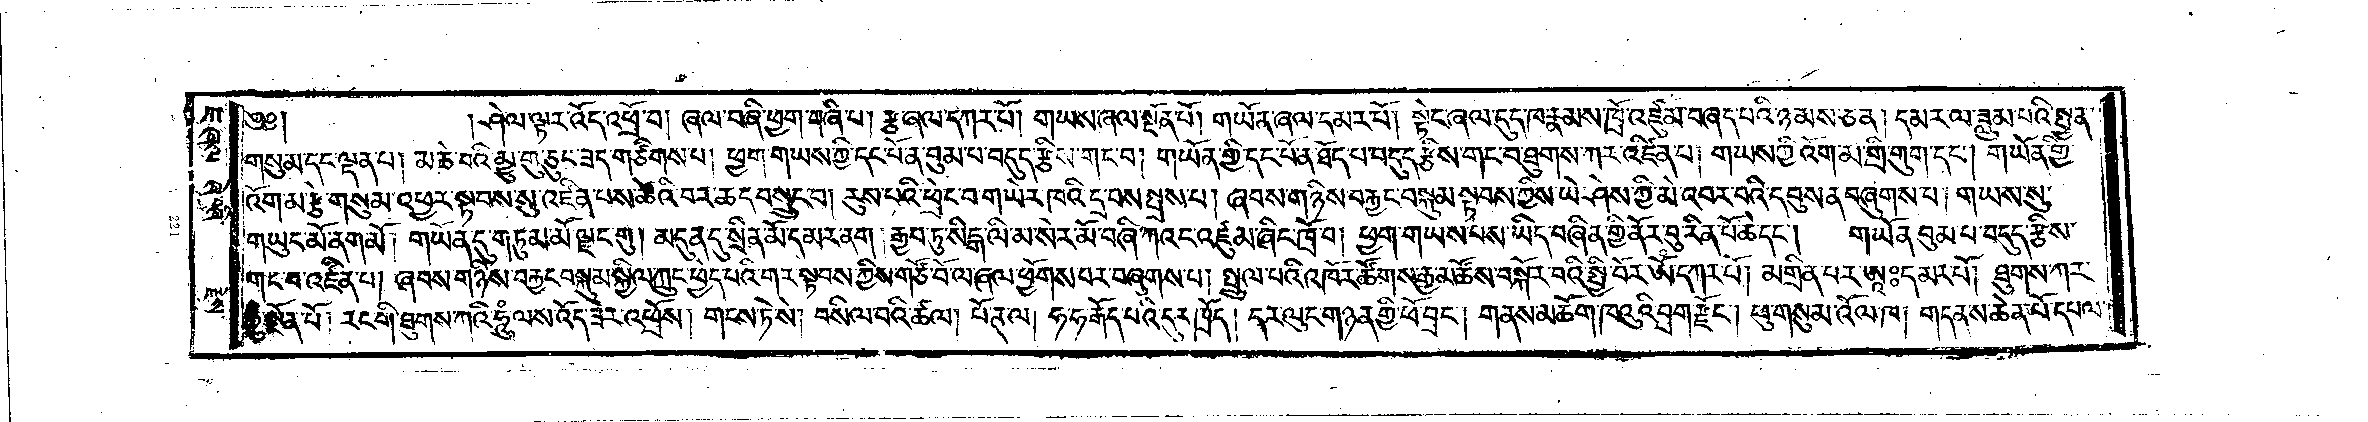༄༅། །ཤེལ་ལྟར་འོད་འཕྲོ་བ། ཞལ་བཞི་ཕྱག་བཞི་པ། རྩ་ཞལ་དཀར་པོ། གཡས་ཞལ་སྔོན་པོ། གཡོན་ཞལ་དམར་པོ། སྟེང་ཞལ་དུད་ཁ་རྣམས་ཁྲོ་འཛུམ་བཞད་པའི་ཉམས་ཅན། དམར་ལ་ཟླུམ་པའི་སྤྱན་
གསུམ་དང་ལྡན་པ། མཆེ་བའི་མྱུ་གུ་ཅུང་ཟད་གཙིགས་པ། ཕྱག་གཡས་ཀྱི་དང་པོ་ན་བུམ་པ་བདུད་རྩིགས་གང་བ། གཡོན་གྱི་དང་པོ་ན་ཐོད་པ་བདུད་རྩིས་གང་བ་ཐུགས་ཀར་འཛིན་པ། གཡས་ཀྱི་འོག་མ་གྲི་གུག་དང་། གཡོན་གྱི་
འོག་མ་རྩེ་གསུམ་འཕྱར་སྟབས་སུ་འཛིན་པས་ཚེའི་བར་ཆད་བསྲུང་བ། རུས་པའི་ཕྲེང་བ་གཡེར་ཁའི་དྲ་བས་སྤྲས་བ། ཞབས་གཉིས་བརྐྱང་སྐུམ་སྟབས་ཀྱིས་ཡེ་ཤེས་ཀྱི་མེ་འབར་བའི་དབུས་ན་བཞུགས་པ། གཡས་སུ་
གཡུང་མོ་ནག་མོ། གཡོན་དུ་གཏུམ་མོ་ལྗང་གུ། མདུན་དུ་སྲིན་མོ་དམར་ནག །རྒྱབ་ཏུ་སིངྒ་ལི་མ་སེར་མོ་བཞི་ཀའང་འཛུམ་ཞིང་ཁྲོ་བ། ཕྱག་གཡས་པས་ཡིད་བཞིན་གྱི་ནོར་བུ་རིན་པོ་ཆེ་དང་། གཡོན་བུམ་པ་བདུད་རྩིས་
གང་བ་འཛིན་པ། ཞབས་གཉིས་བརྐྱང་བསྐུམ་སྐྱིལ་ཀྲུང་ཕྱེད་བའི་གར་སྟབས་ཀྱིས་གཙོ་བོ་ལ་ཞལ་ཕྱོགས་པར་བཞུགས་པ། སྤྲུལ་བའི་འཁོར་ཚོགས་རྒྱ་མཚོས་བསྐོར་བའི་སྤྱི་བོར་ཨོཾ་དཀར་པོ། མགྲིན་བར་ཨཱཿ དམར་པོ། ཐུགས་ཀར་
ཧཱུཾ་སྔོན་པོ། རང་གི་ཐུགས་ཀའི་ཧཱུཾ་ལས་འོད་ཟེར་འཕྲོས། གངས་ཏེ་སེ། བསིལ་བའི་ཚལ། པོ་ཊ་ལ། ཧ་ཧ་རྒོད་བའི་དུར་ཁྲོད། སྤྲུལ་དར་ལུང་གཉན་གྱི་ཕོ་བྲང་། གནས་མཆོག་ཁའུའི་བྲག་རྫོང་། ཕུ་གསུམ་འོལ་ཁ། གདང་ས་ཆེན་པོ་དཔལ་